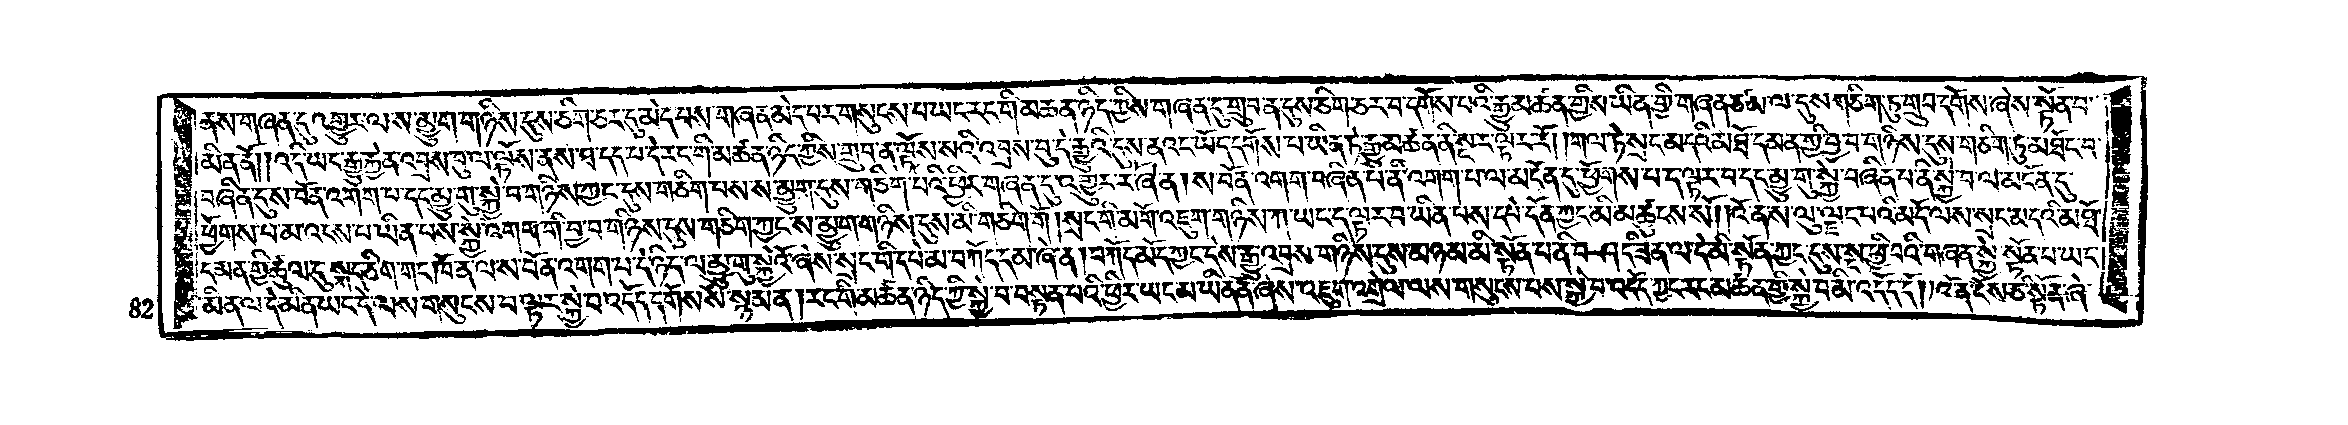ནས་གཞན་དུ་འགྱུར་ལས་མྱུག་གཉིས་དུས་ཅིག་ཅར་དུ་མེད་པས་གཞན་མེད་པར་གསུངས་པ་ཡང་རང་གི་མཚན་ཉིད་ཀྱིས་གཞན་དུ་གྲུབ་ན་དུས་ཅིག་ཅར་བ་དགོས་པའི་རྒྱུ་མཚན་གྱིས་ཡིན་གྱི་གཞན་ཙམ་ལ་དུས་གཅིག་ཏུ་གྲུབ་དགོས་ཞེས་སྟོན་པ་
མིན་ནོ། །འདི་ཡང་རྒྱུ་རྐྱེན་འབྲས་བུ་ལ་ལྟོས་ནས་ཐ་དད་པ་དེ་རང་གི་མཚན་ཉིད་ཀྱིས་གྲུབ་ན་ལྟོས་སའི་འབྲས་བུ་དེ་རྒྱུའི་དུས་ནའང་ཡོད་དགོས་པ་ཡིན་ཏེ་རྒྱུན་མཚན་ནི་སྔར་ལྟར་རོ། །གལ་ཏེ་སྲང་མདའི་མཐོ་དམན་གྱི་བྱ་བ་གཉིས་དུས་གཅིག་ཏུ་མཐོང་བ་
བཞིན་དུ་ས་བོན་འགག་པ་དང་མྱུ་གུ་སྐྱེ་བ་གཉིས་ཀྱང་དུས་གཅིག་པས་ས་མྱུག་དུས་གཅིག་པའི་ཕྱིར་གཞན་དུ་འགྱུར་རོ་ཞེ་ན། ས་བོན་འགག་བཞིན་པ་ནི་འགག་པ་ལ་མངོན་དུ་ཕྱོགས་པ་ད་ལྟར་བ་དང་མྱུ་གུ་སྐྱེ་བཞིན་པ་ནི་སྐྱེ་བ་ལ་མངོན་དུ་
ཕྱོགས་པ་མ་འོངས་པ་ཡིན་པས་སྐྱེ་འགག་གི་བྱ་བ་གཉིས་དུས་གཅིག་ཀྱང་ས་མྱུག་གཉིས་དུས་མི་གཅིག་གོ །སྲང་གི་མགོ་འཇུག་གཉིས་ཀ་ཡང་དེ་ལྟར་བ་ཡིན་པས་དཔེ་དོན་ཀྱང་མི་མཚུངས་སོ། །འོ་ན་ས་ལུ་ལྗང་པའི་མདོ་ལས་སྲང་མདའི་མཐོ་
དམན་གྱི་ཚུལ་དུ་སྐད་ཅིག་གང་ཁོ་ན་ལ་ས་བོན་འགག་པ་དེ་ཉིད་ལ་མྱུ་གུ་སྐྱེའོ་ཞེས་སྲང་གི་དཔེ་མ་བཀོད་དམ་ཞེ་ན། བཀོད་མོད་ཀྱང་དེས་རྒྱུ་འབྲས་གཉིས་དུས་མཉམ་མི་སྟོན་པ་ནི་བཤད་ཟིན་ལ་དེ་མི་སྟོན་ཀྱང་དུས་སྔ་ཕྱི་བའི་གཞན་སྐྱེ་སྟོན་པ་ཡང་
མིན་པ་དེ་མིན་ཡང་དེ་ལས་གསུངས་པ་ལྟར་སྐྱེ་བ་འདོད་དགོས་སོ་སྙམ་ན། རང་གི་མཚན་ཉིད་ཀྱི་སྐྱེ་བ་བསྟན་པའི་ཕྱིར་ཡང་མ་ཡིན་ནོ་ཞེས་འཇུག་འགྲེལ་ལས་གསུངས་པས་སྐྱེ་བ་འདོད་ཀྱང་རང་མཚན་གྱི་སྐྱེ་བ་མི་འདོད་དོ། །འོ་ན་ངེས་ཅི་སྟོན་ཞེར་